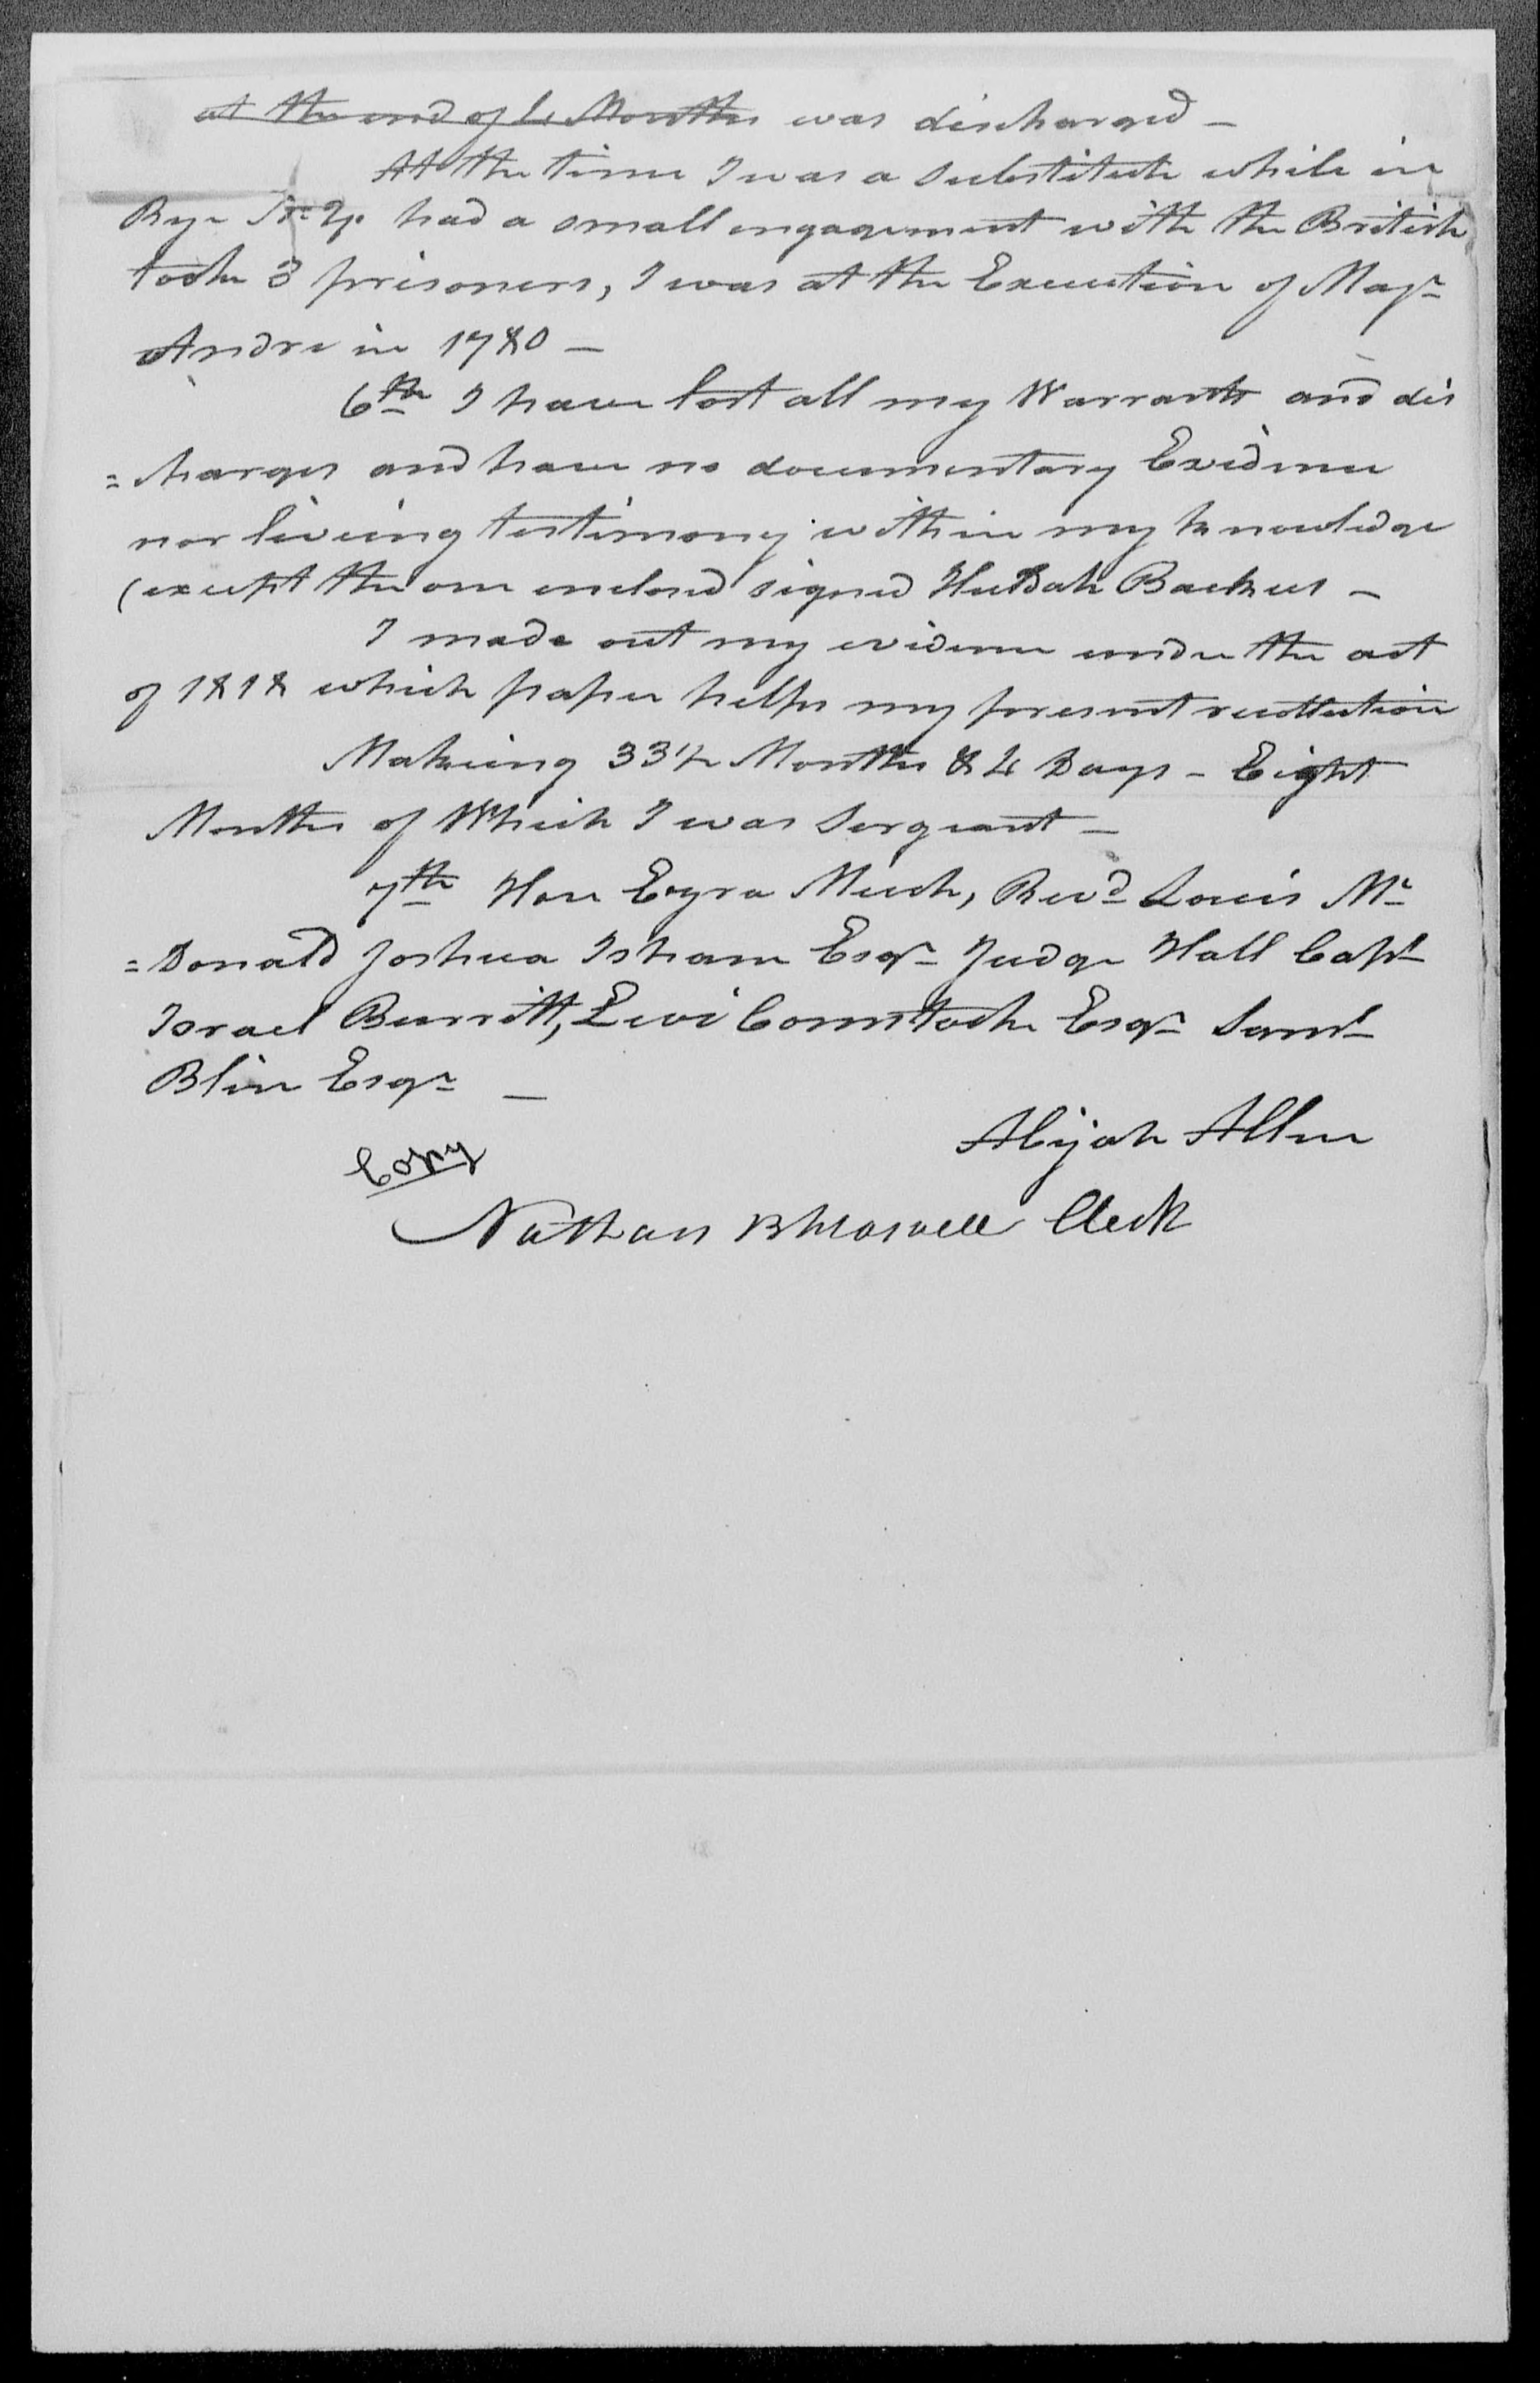was discharged. 
At the time I was a substitute while in [illegible] N.Y. had a small engagement with the British took 3 prisoners, I was at the Execution of Mag. Andre in 1780.
6th I have lost all my warrants and discharges and have no documentary Evidence nor living testimony within my knowledge (expect the om enclosed signed Huldah Backus.
I made out my evidence under the act of 1818 which paper helps my present recollection 
Making 33 1/2 Months & 4 Days. Eight Months of Which I was a Sergeant. 
7th [illegible] Ezra Meich, Revd Louis McDonald Joshua Isham Esqr. Judge Hall Capt. Israel Burrett, Levi Comstock Esqr. [illegible] Esqr.
Abijah Allen
Copy
Nathan B Maswell Clerk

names: Joshua Isham, Nathan B Maswell, Huldah Backur, Levi Comstock, Israel Burrett, Hall, Louis Mc Donald, Saml Blin, Alijah Allen, Ezra Meich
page: 9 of 21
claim: survivor's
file: S. 15356, Abijah Allen, Mass.